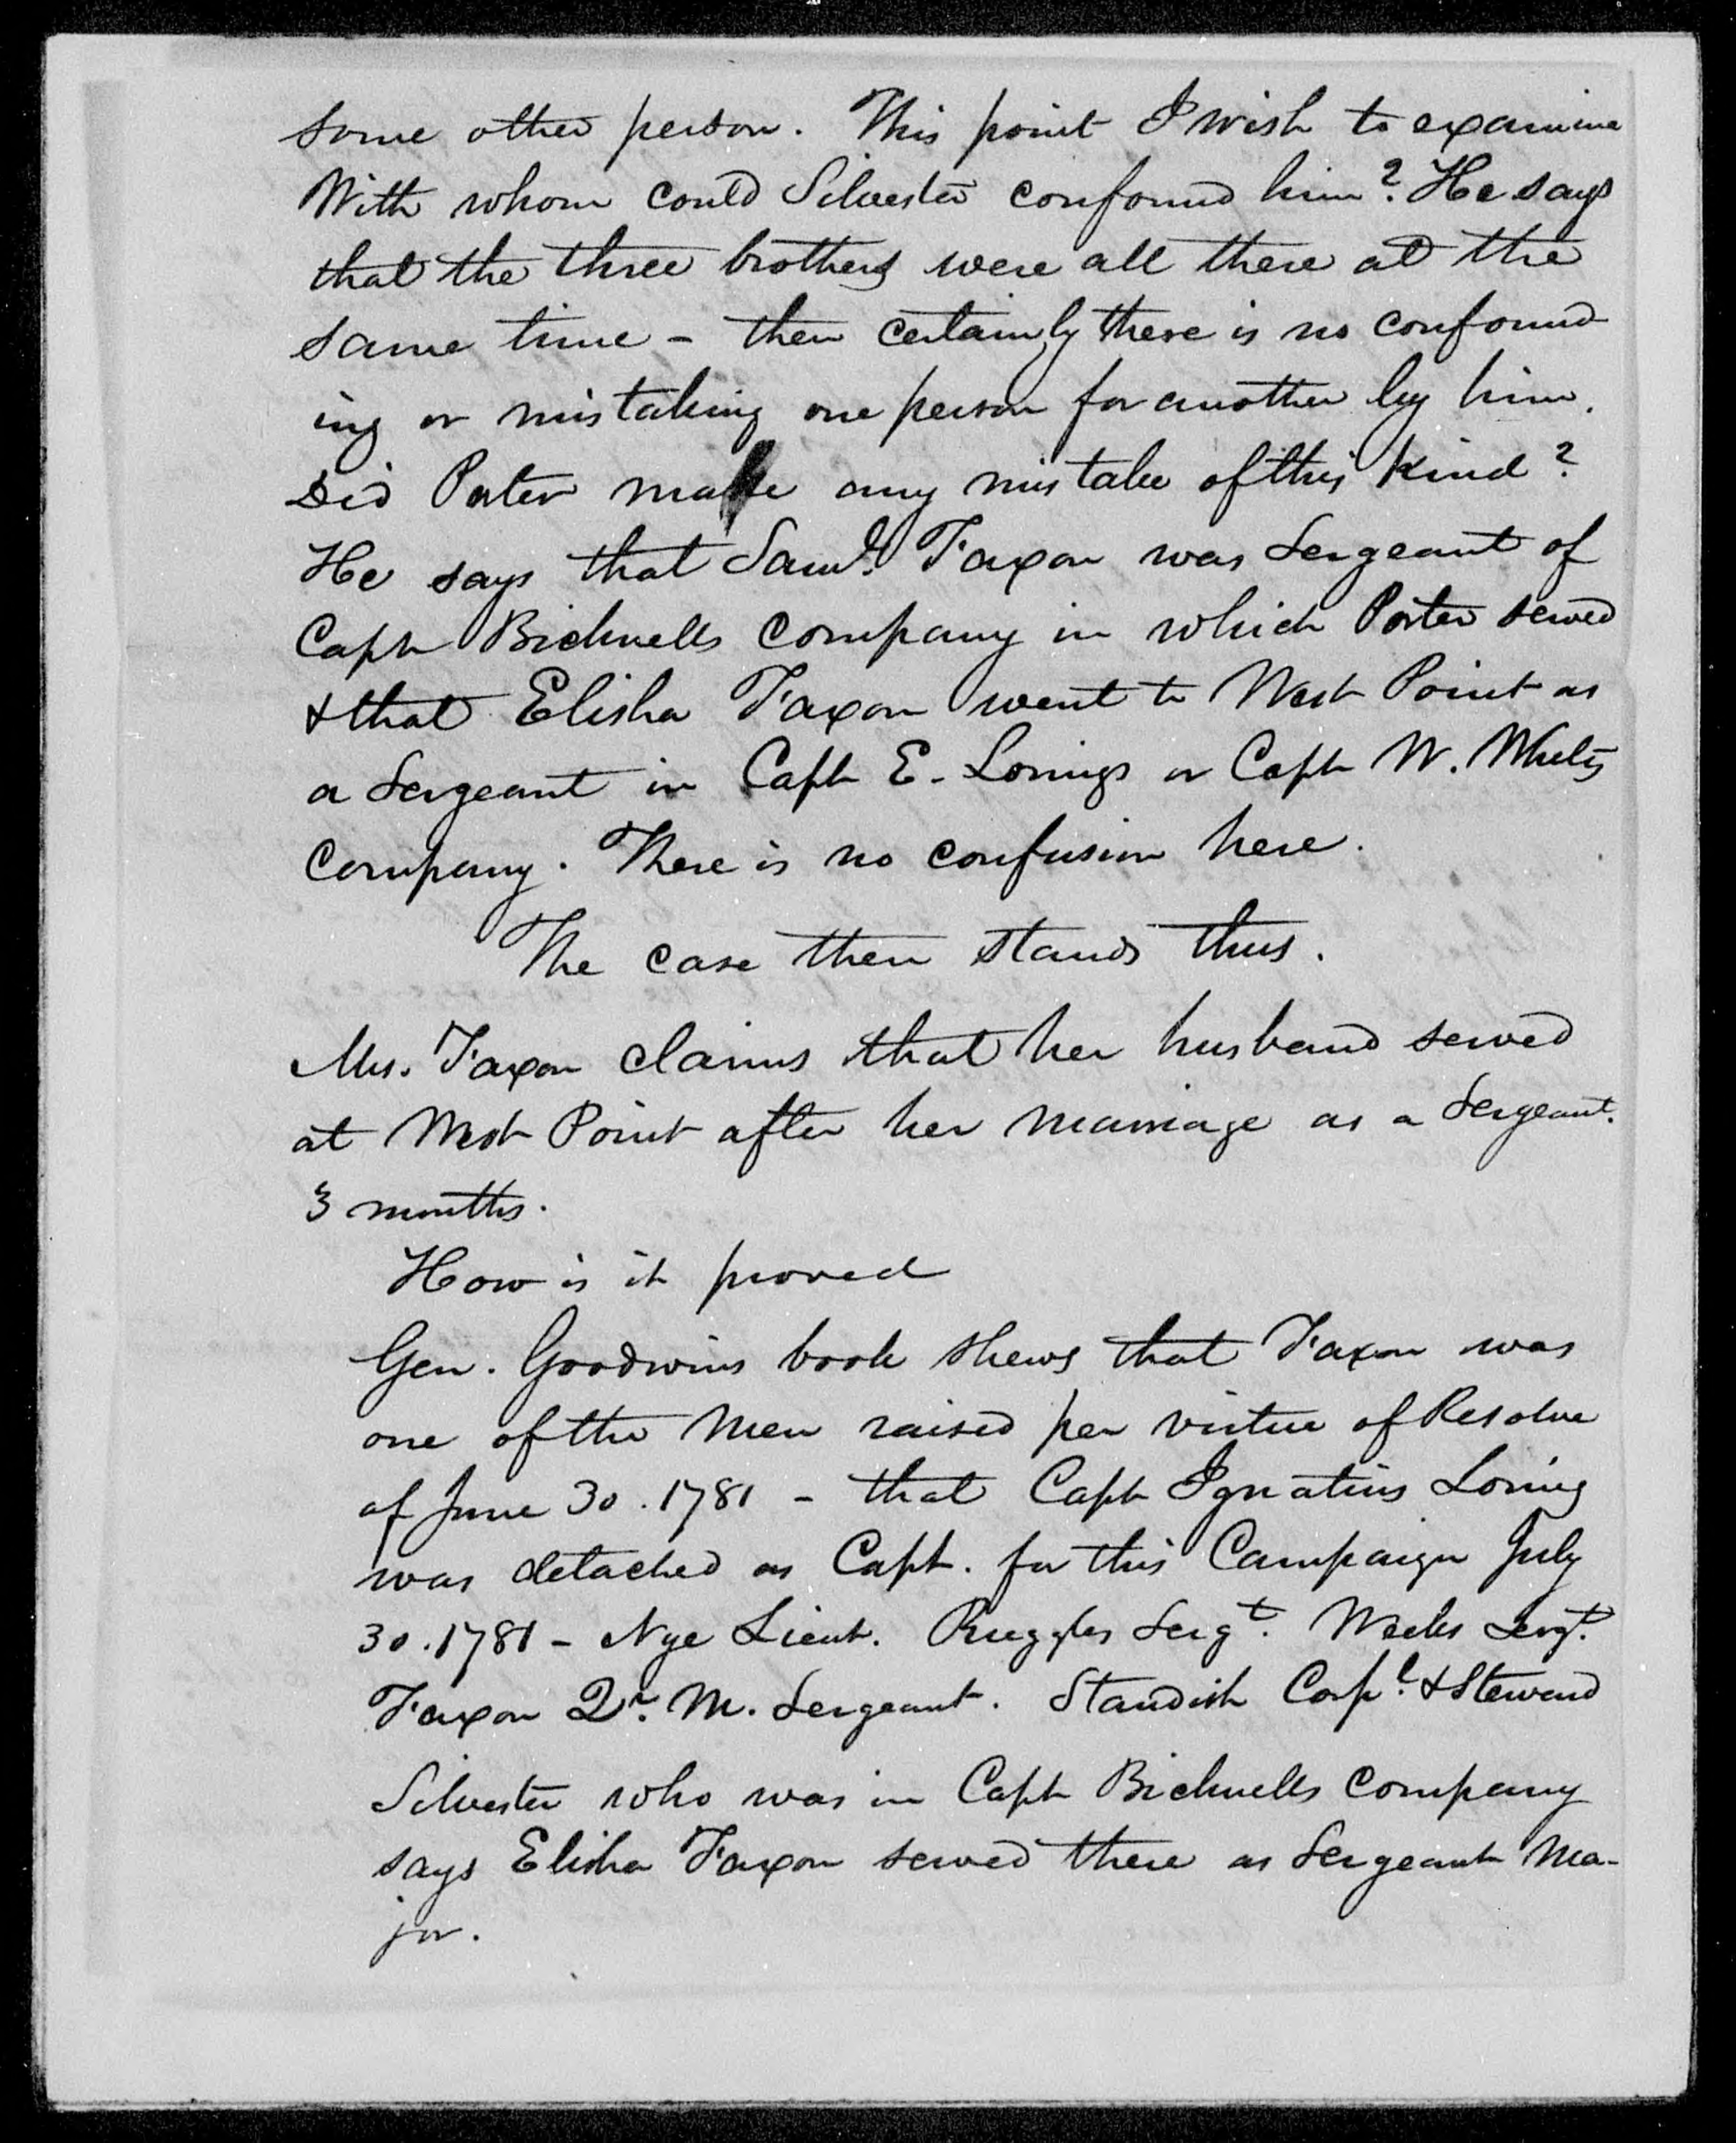some other person. This point I wish to examine With whom could Silvester confound him? He says that the three brothers were all there at the same time — then certainly there is no confounding or mistaking one person for another by him. Did Porter make any mistake of this kind? He says that Saml Faxon was sergeant of Capt Bishnells company in which Porter served & that Elisha Faxon went to West Point as a Sergeant in Capt E. Lovings or Capt W Whites company. There is no confusion here.
The case stands thus.
Mrs. Faxon claims that her husband served at West Point after her marriage as a Sergeant 3 months.
How it is proved
Gen Goodwins book shows that Faxon was one of the men raised per virtue of Resolve of June 30. 1781 — that Capt Ignatius Loving was detached as Capt. for this Campaign July 30. 1781 — Nye Lieut. Ruggles Sergt. Weeks Sergt Faxon 2d. M. Sergeant. Standish Corpl. & Steward 
Silvester who was in Capt Bishnells company says Elisha Faxon served there as Sergeant Major.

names: Faxon, Elisha Faxon, Ignatius Loving, Porter, Saml Faxon, Weeks, Nye, Porter, Faxon, Faxon, Standish, Goodwin, Steward Silvester, Ruggles, Elisha Faxon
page: 29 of 47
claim: widow's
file: W. 14703, Elisha Faxon, Mass